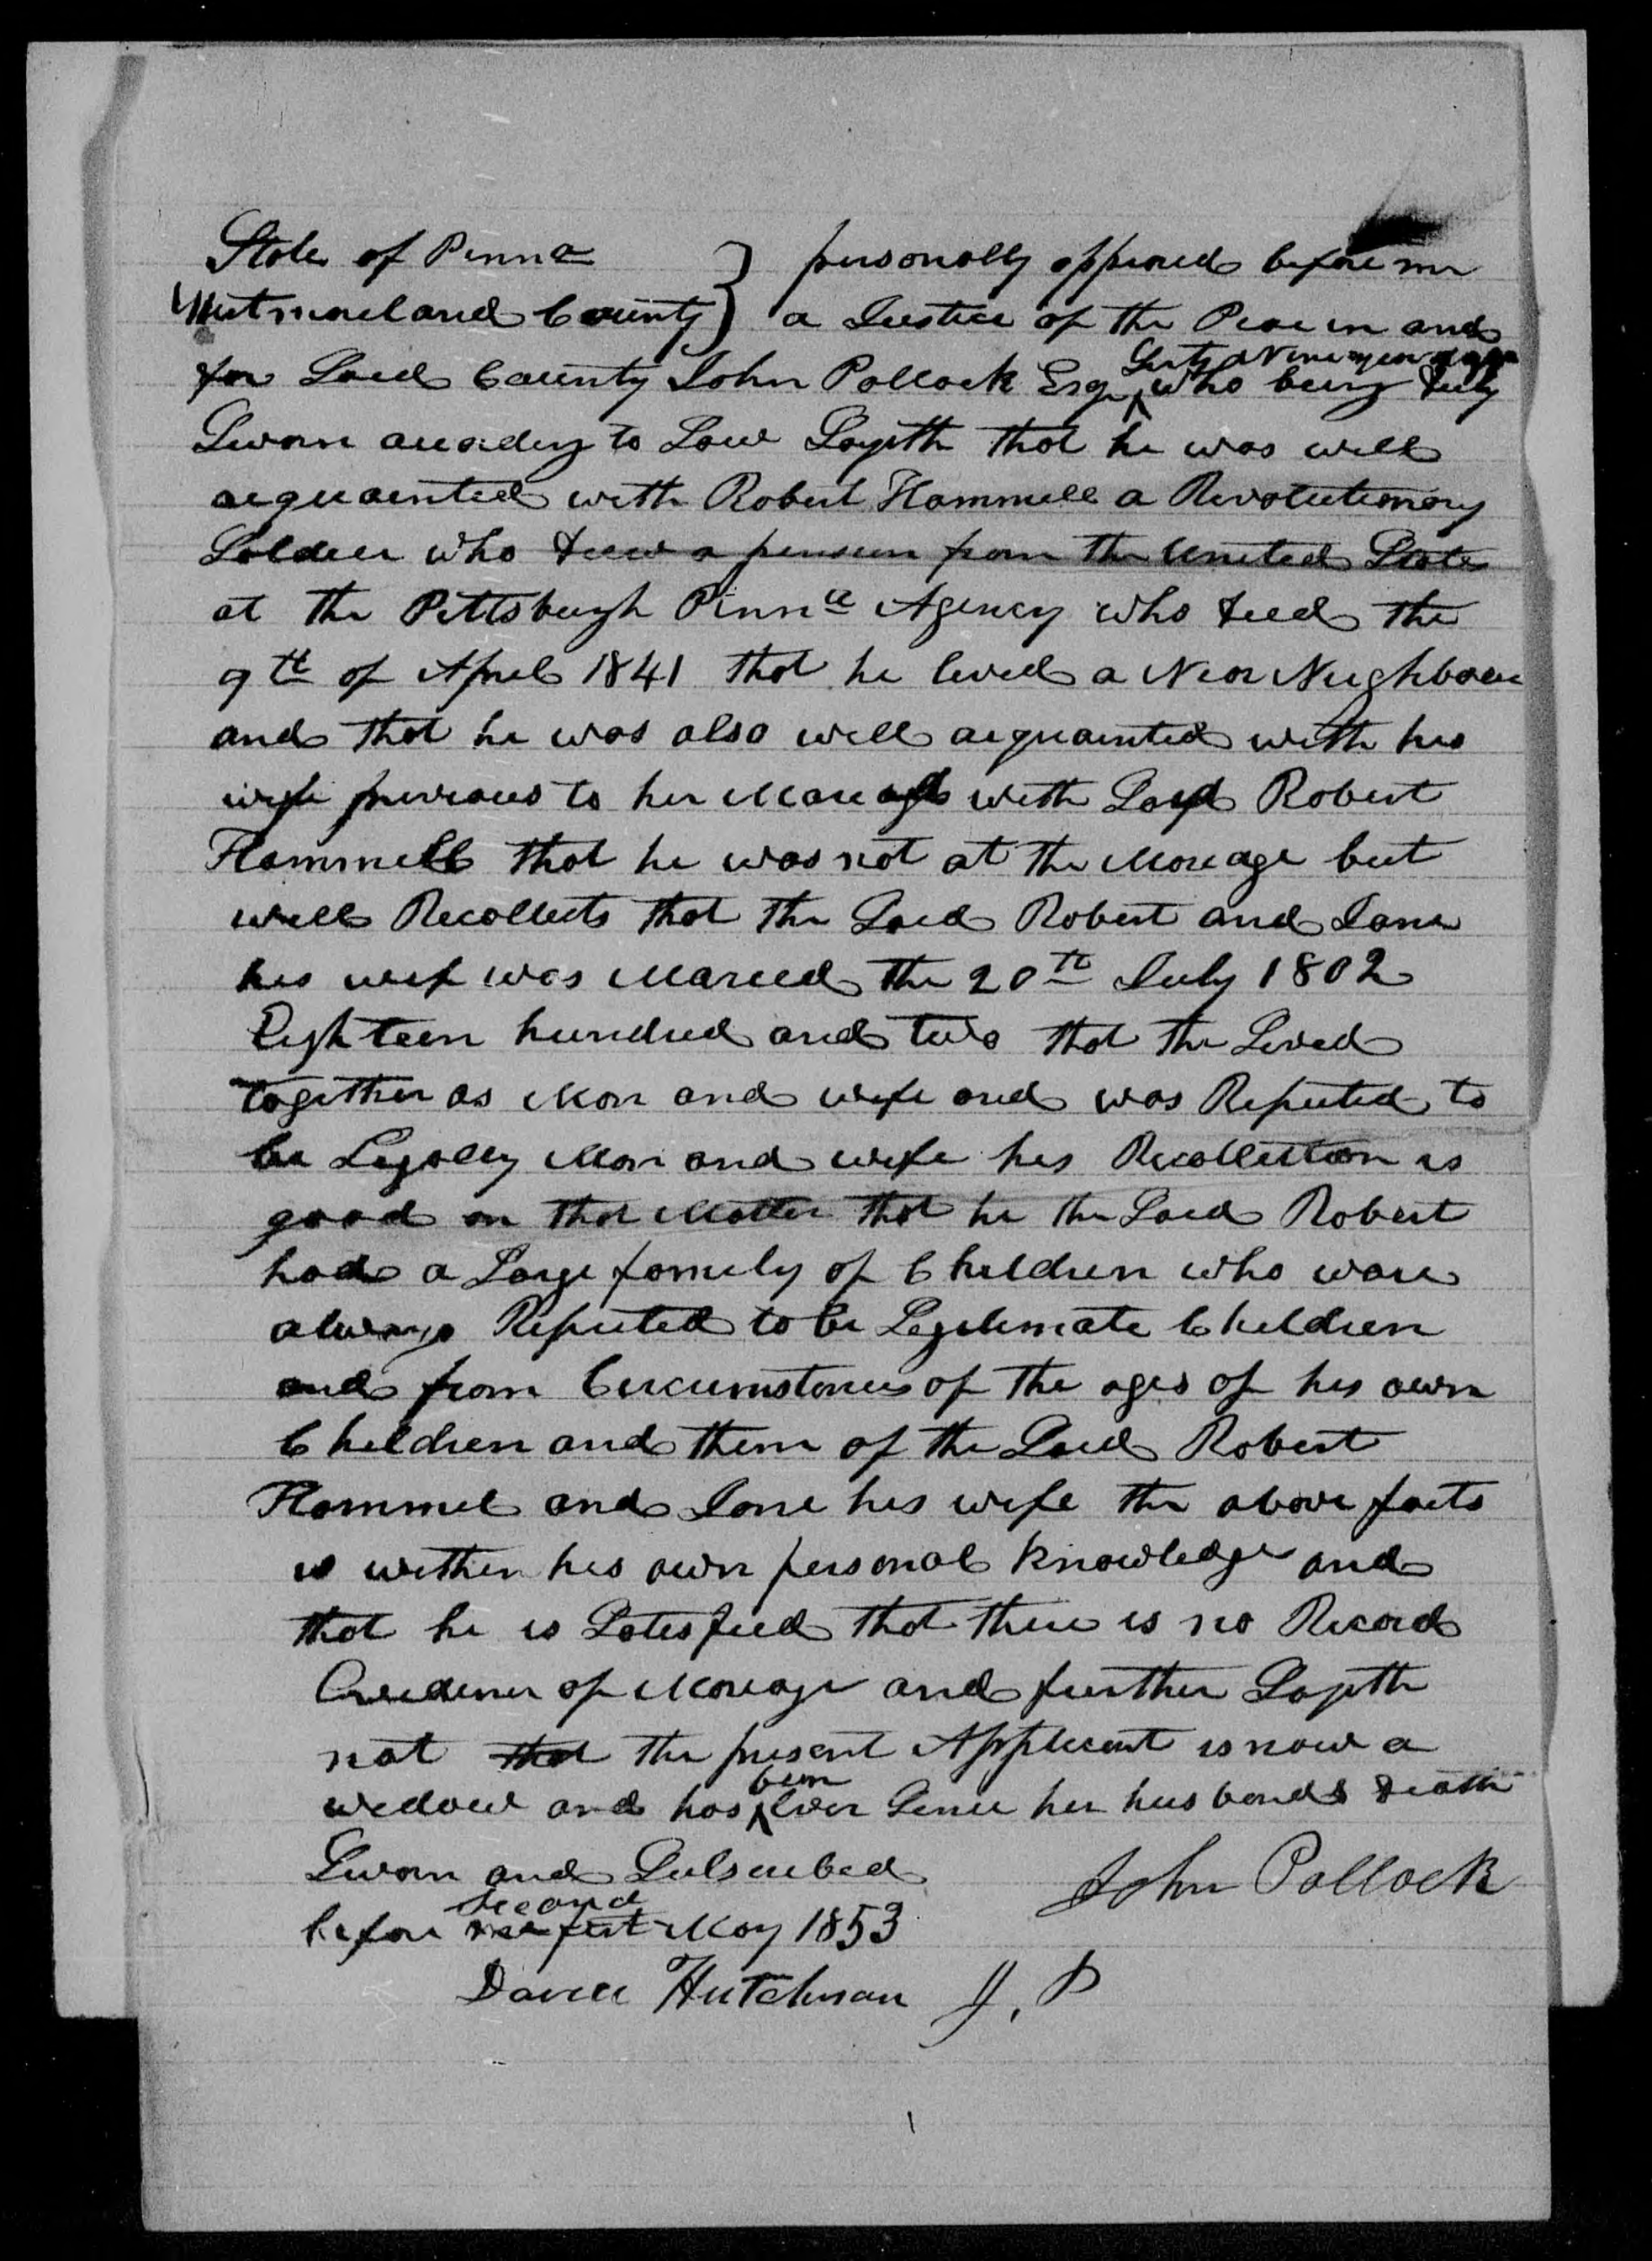State of Penna
Westmoreland County

personally appeared before me  a Justice of  the Peace and for said County John Pollock Esq 
[illegible] nine years ago who being fully Sworn according to Law Sayeth that he was well
acquainted with Robert Hammell a Revolutionary Soldier who drew a pension from the United State at the Pittsburgh Penna Agency who died the 9th of April 1841 that he lived a Near Neighbor and that he was also well acquainted with his wife previous to her marriage with said Robert Hammell that he was not at the marriage but
well recollects that the said Robert and Jane
his wife was married the 20th July 1802
Eighteen hundred and two that the lived
together as man and wife and was reputed to
he Legally man and wife his Recollection is
good on that matter that he the said Robert
had a large family of children who were
always reputed to be Legitimate Children
and from circumstances of the ages of his own
Children and them of the said Robert
Hammel and Jane his wife the above facts
is within his own personal knowledge and
that he is satisfied that there is no Record
Order of Marriage and further Sayeth
not that ["that" crossed out] the present Applicant is now a widow and has been ever since her husbands death
John Pollock

Sworn and Subscribed
before me ["me" crossed out, replacemnt word illegible]
first May 1853
David Hutchison
J. P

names: Robert Hammell, John Pollock, Robert Hammel, Robert, Robert Hammell, Jane Hammel, John Pollock, Jane, David Hutchison, Robert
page: 79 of 92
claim: widow's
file: W 1173, Robert Hamill, Penn.